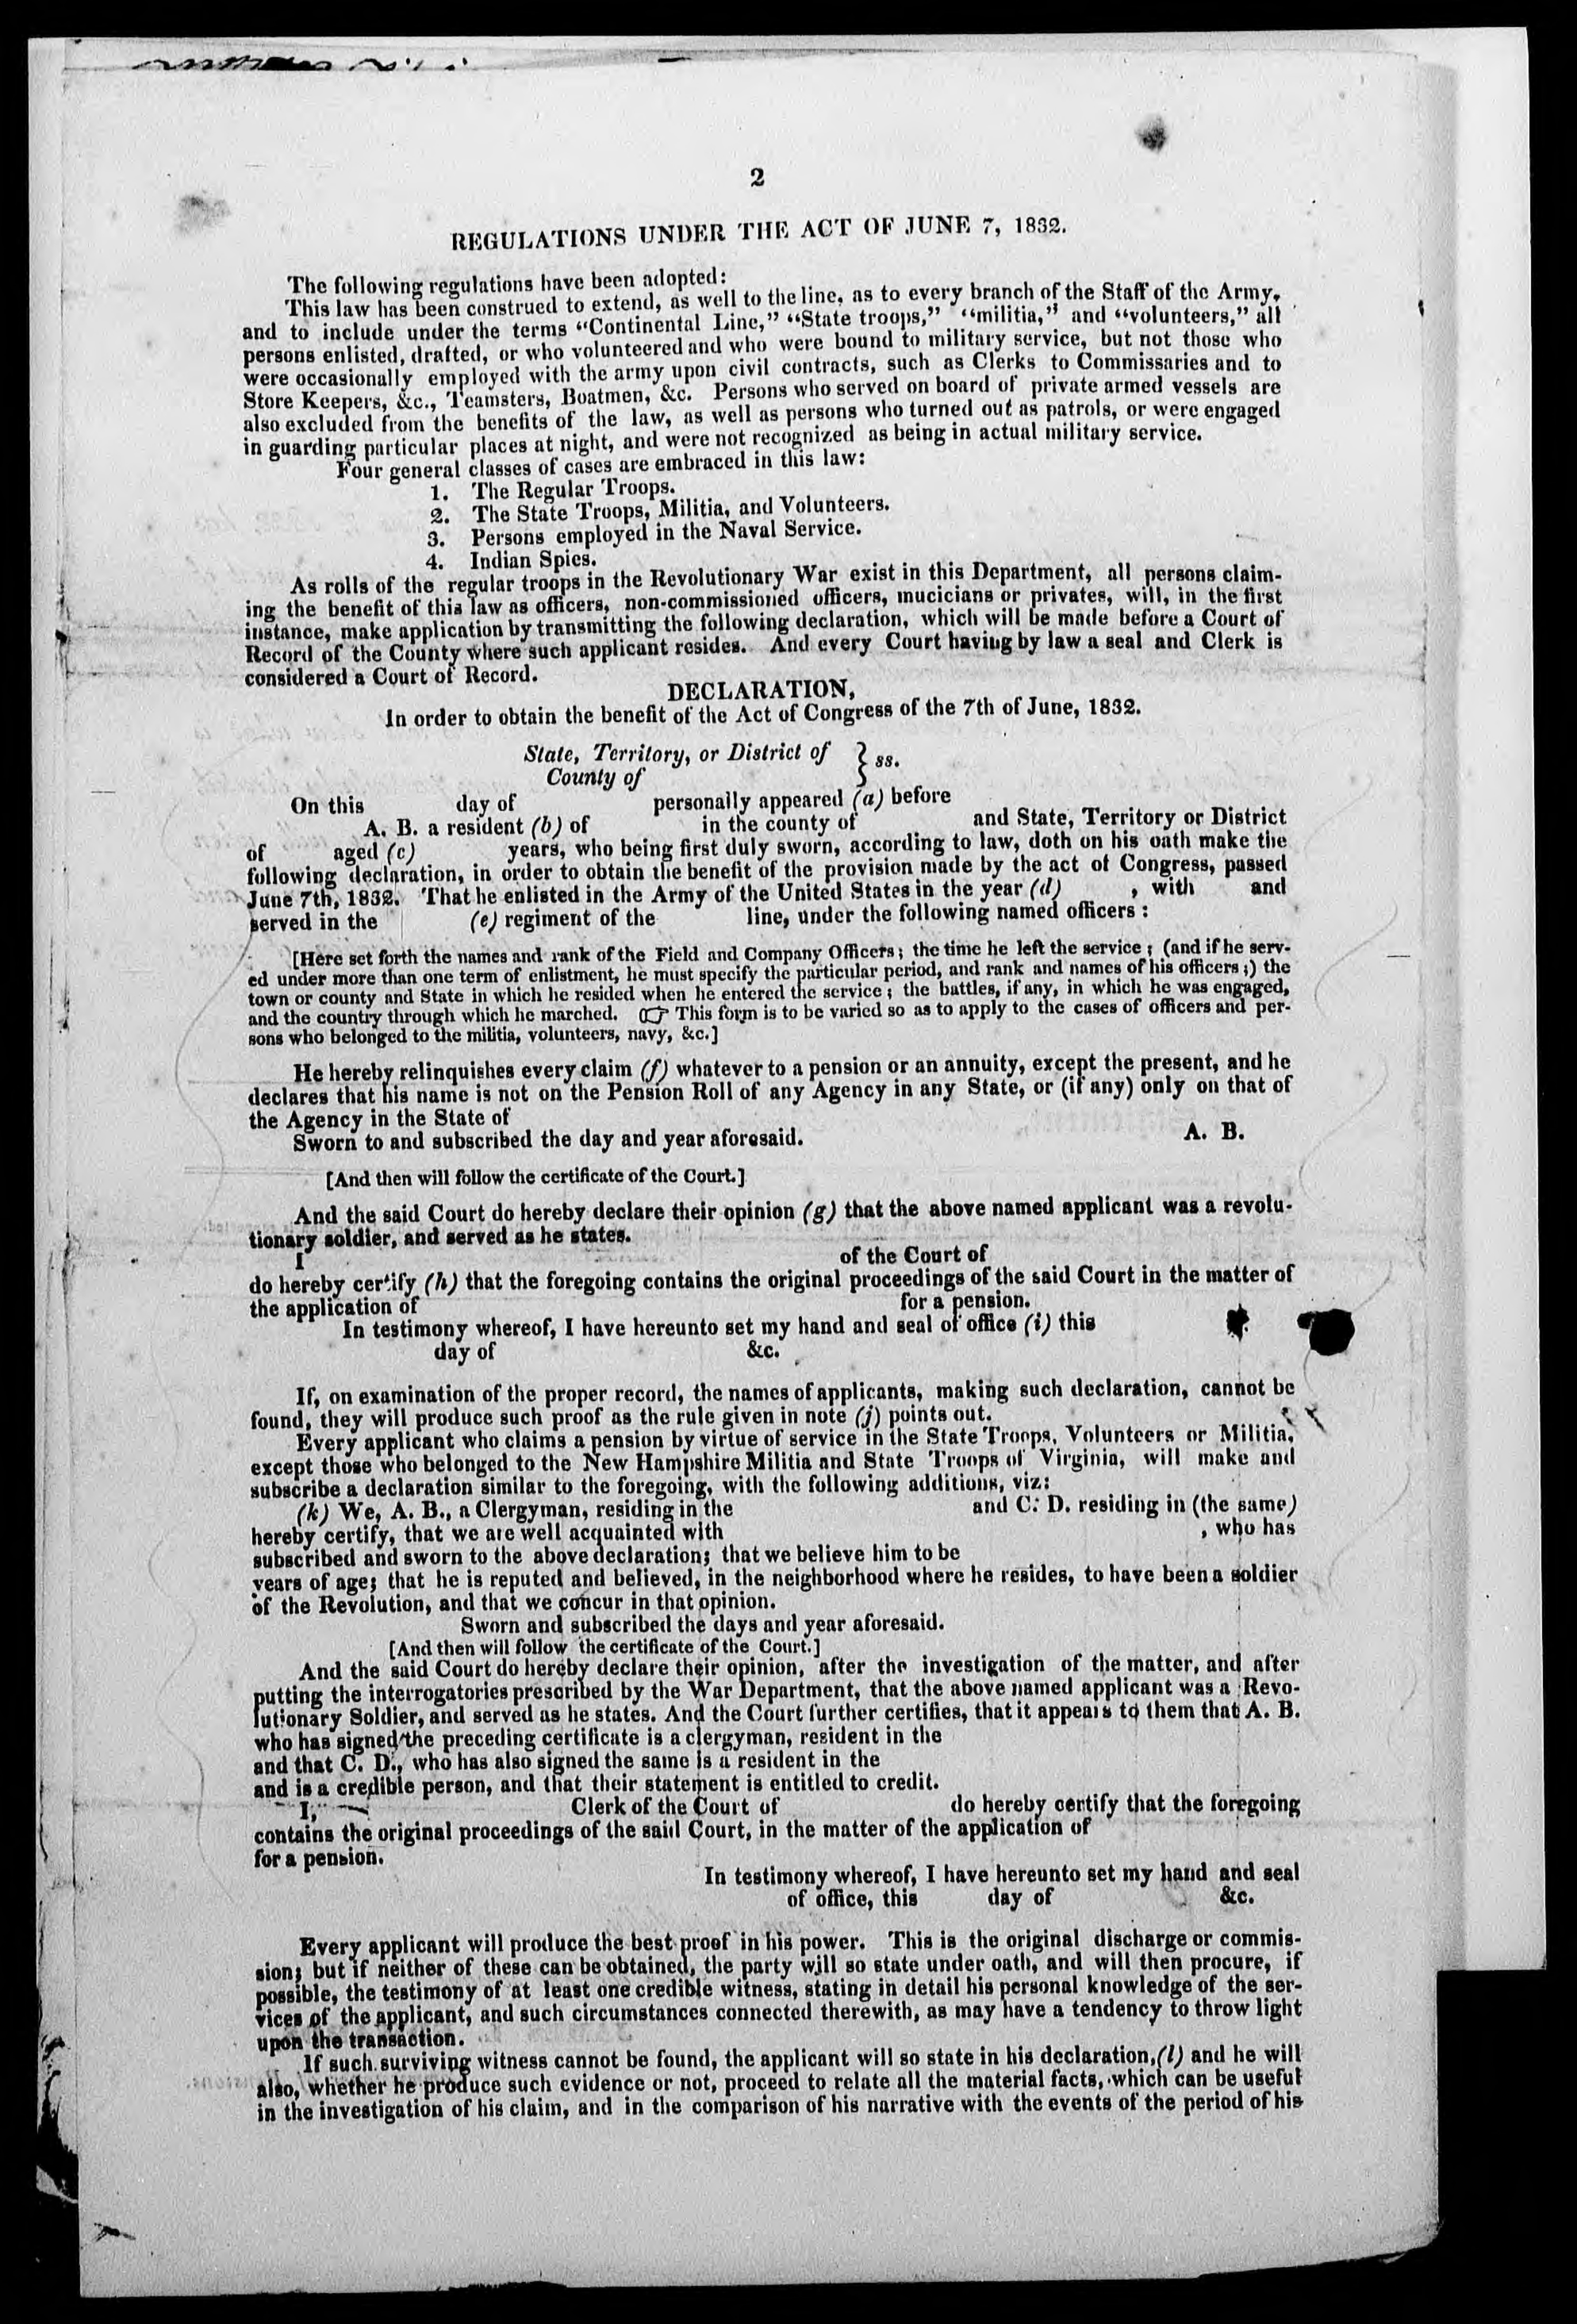2
  REGULATION UNDER THE ACT OF JUNE 7, 1832.

The following regulations have been adopted:
This law has been construed to extend, as well to the line, as to every branch of the Staff of the Army, and to include under the terms "Continental Line," "State troops," "militia" and "volunteers" all persons persons enlisted , drafted or who volunteered and who were bound to military service, but not those who were occasionally employed with the army upon civil contracts, such as Clerks to Commissaries and to Store Keepers, &c., Teamsters, Boatmen, &c. Persons who served on board of private armed vessels are also excluded from the benefits of the law, as well as persons who turned as patrols, or were engaged in guarding particular places at night, and were not recognized as being in actual military service.

Four general classes of cases are embraced in this law:

1. The Regular Troops.
2. The State Troops, Militia, and Volunteers.
3. Persons employed in the Naval Service.
4. Indian Spies.

As rolls of the regular troops in the Revolutionary War exist in this Department, all persons claiming the benefit of this law as officers, non-commissioned officers, musicians or privates, will, in the first instance making application by the transmitting the following declaration, which will be made before a Court of Record of the County where such applicant resides. And every court having by law a seal and Clerk is considered a Court of Record

DECLARATION 
In order to obtain the benefit of the Act of Congress of the 7th of June, 1832

State, Territory, or District of } ss.
County of

On this day of personally appeared (a) before A.B. a resident (b) of in the county of and State, Territory or District of aged (c) years, who being first duly sworn, according to law, doth on his oath make the following declaration in order to obtain the benefit of the provision made by the act of Congress, passed June 7th, 1832. That he enlisted in the Army of the United States in the year (d) , with and served in the (e)  regiment of the line, under the following named officers:

[Here set forth the names of the Field and Company Officers; the time he left the service; (and if he serv-ed under more than one term of enlistment, he must specify the particular period, and rank and names of his officers:) the town or country and State in which he resided  when he entered the service: the battles, if any, in which he was engaged, and the country through which he marched. This form is to be varied so as to apply to the cases of officers and persons who belonged to the militia, volunteers, navy, &c.]

He hereby relinquishes every claim (f) whatever to a pension or an annuity, except the present, and he declares that his name is on the pension Roll of any Agency in any State, or (if any) only on that of the Agency in the State of
Sworn to and subscribed the day and year aforesaid.

[And then will follow the certificate of the Court.]

And the said Court do hereby declare their opinion (g) that the above named applicant was a revolutionary soldier, and he served as he states.

I of the Court of do hereby certify (h) that the foregoing contains the original proceedings of the said Court in the matter of for a pension.

In testimony whereof, I have hereunto set my hand and the seal of office (i) this day of &c.

If, on examination of the proper record, the names of applicants, making such a declaration, cannot be found, they will produce such proof as the rule given in note (j) points out.

Every applicant who claims a pension by virtue of service in the State Troops, Volunteers, or Militia, except those who belonged to the New Hampshire Militia and State Troops of Virginia, will make and subscribe a declaration similar to the foregoing, with the following additions, viz:

A.B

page: 8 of 17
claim: survivor's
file: S. 6717, William Brooks, Md. N.C.